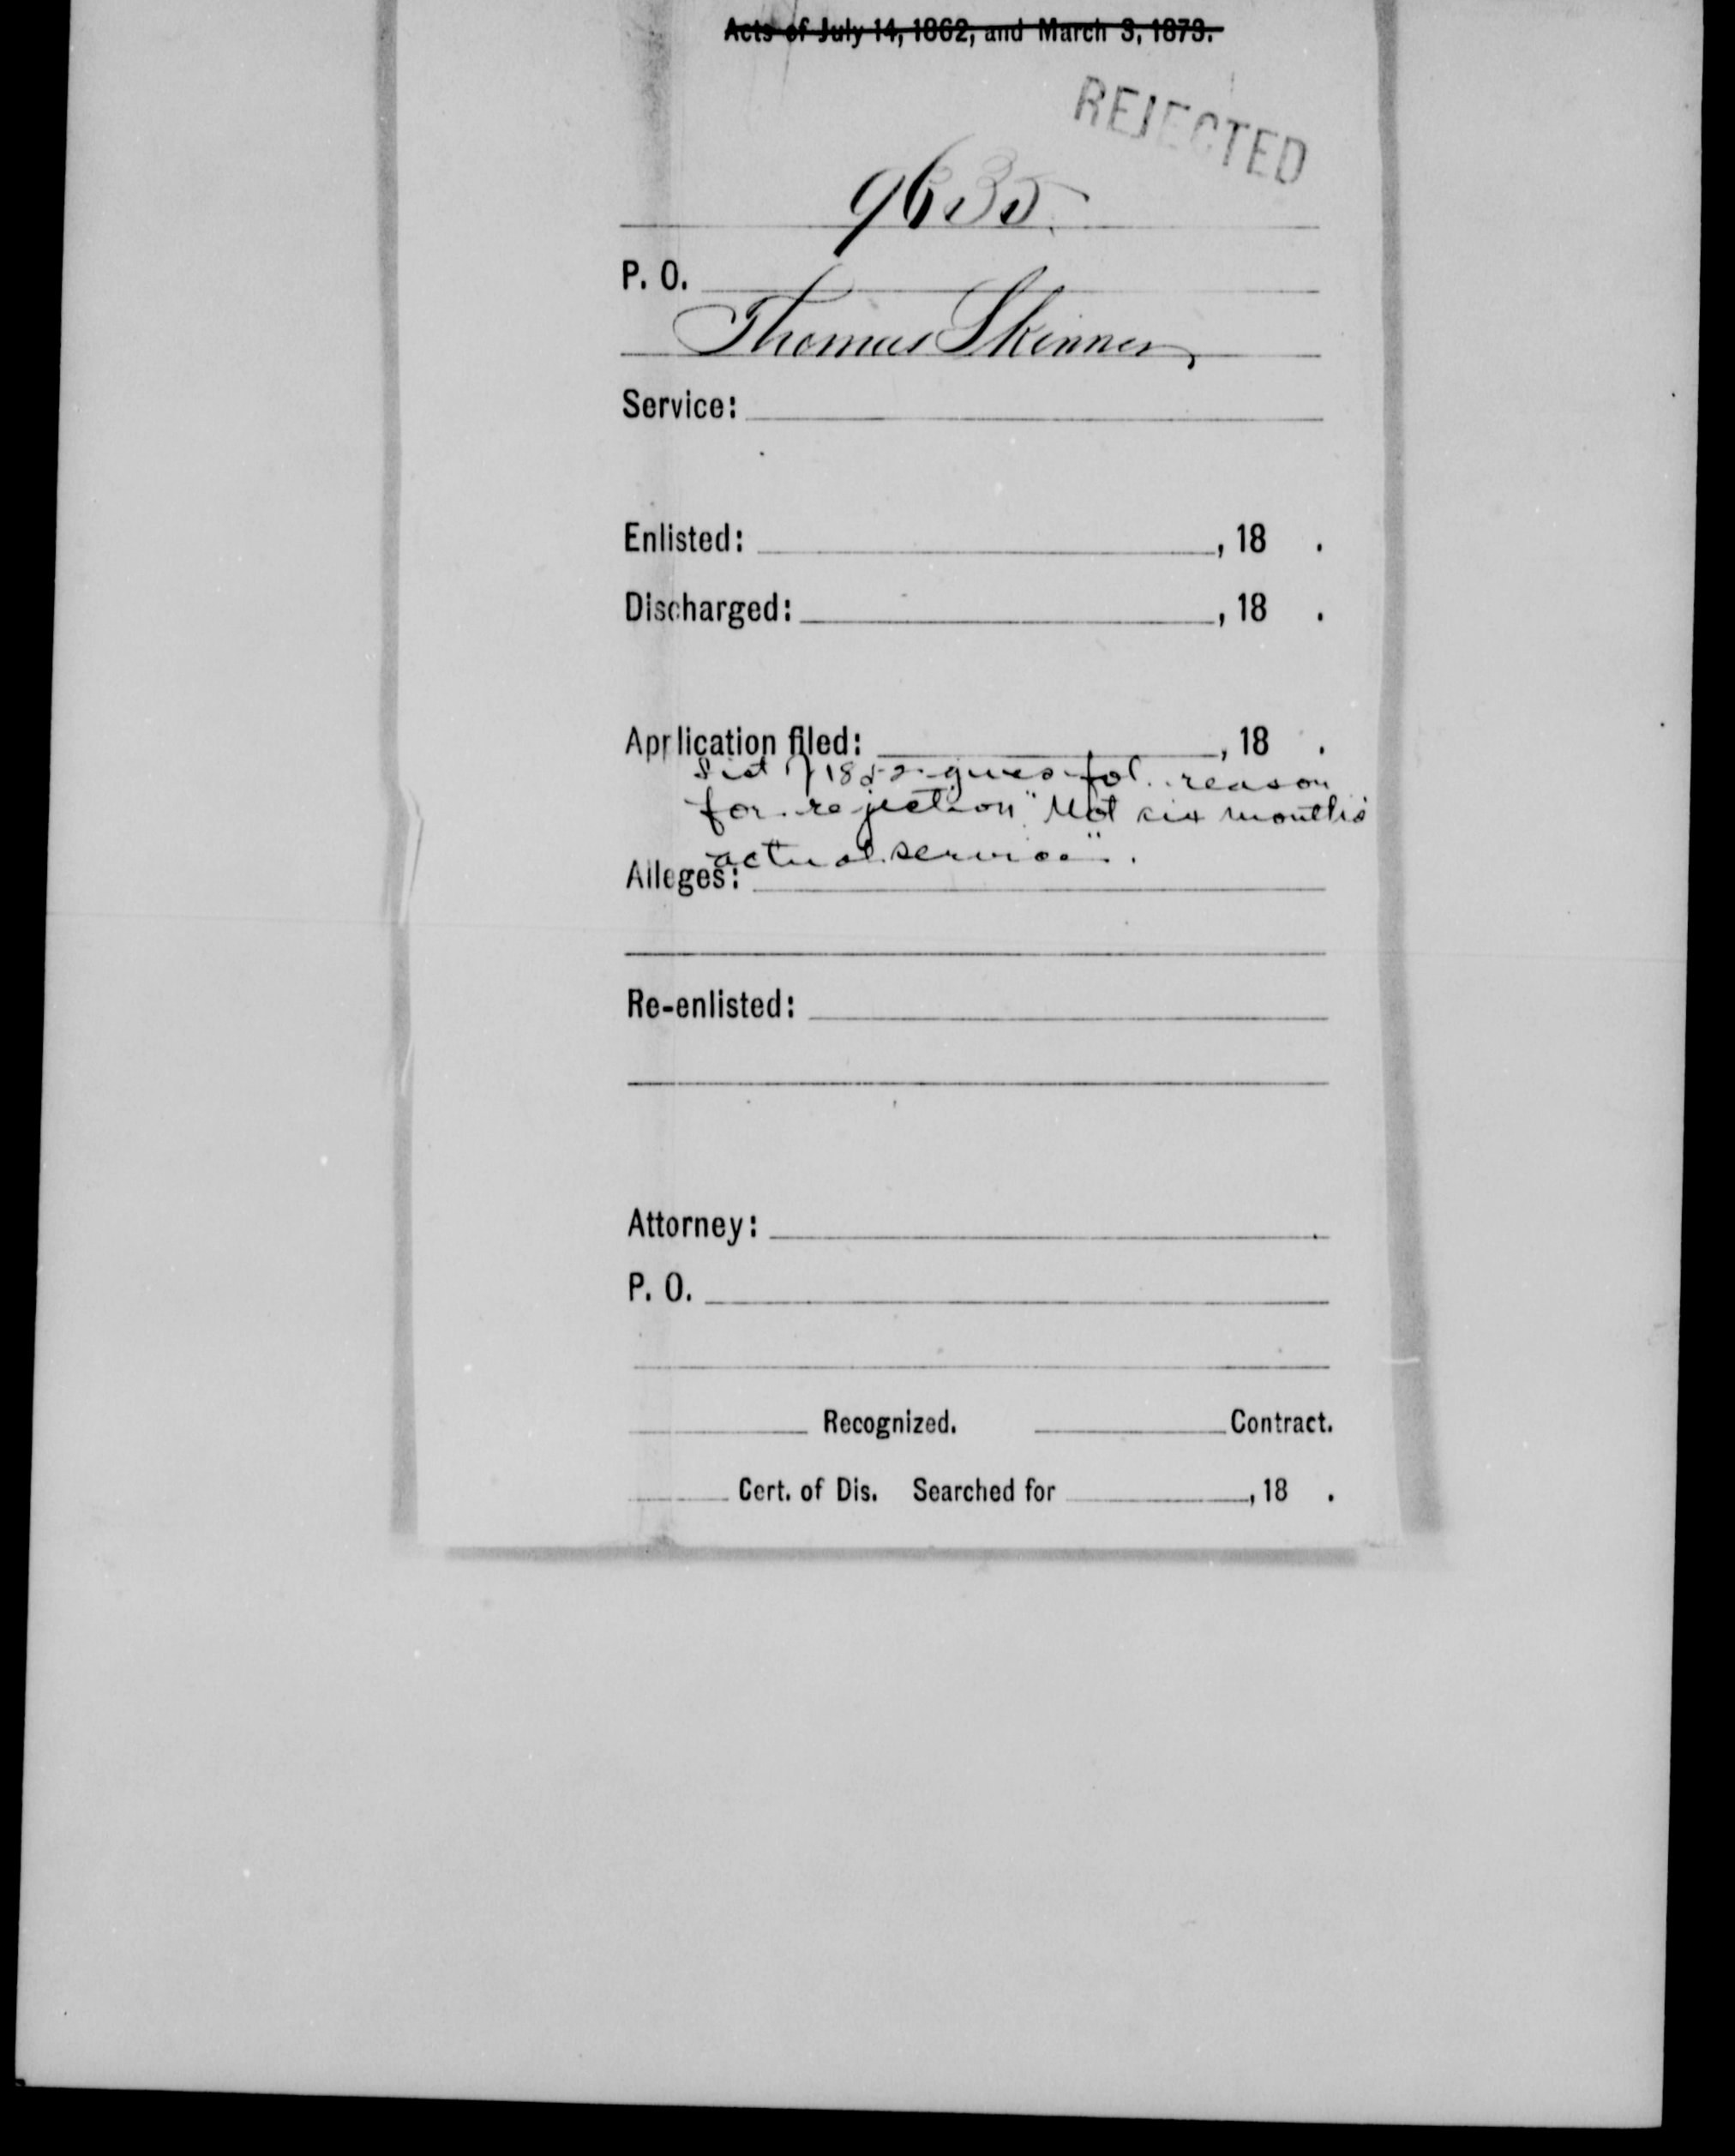[stricken] Acts of July 14, 1862 and March 3, 1873.

Rejected

9635
P. O. Thomas Skinner
Service:
Enlisted: , 18 .
Discharged: , 18 .
Application filed: , 18.
List 718d-2 gives fol. reason for rejection "Not six month's actual service."
Alleges:
Re-enlisted:
Attorney:
P. O.
Recognized.  Contract.
Cert. of Dis. 
Searched for , 18 .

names: Thomas Skinner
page: 12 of 33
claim: rejected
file: R. 9635, for Thomas Skinner, Delaware